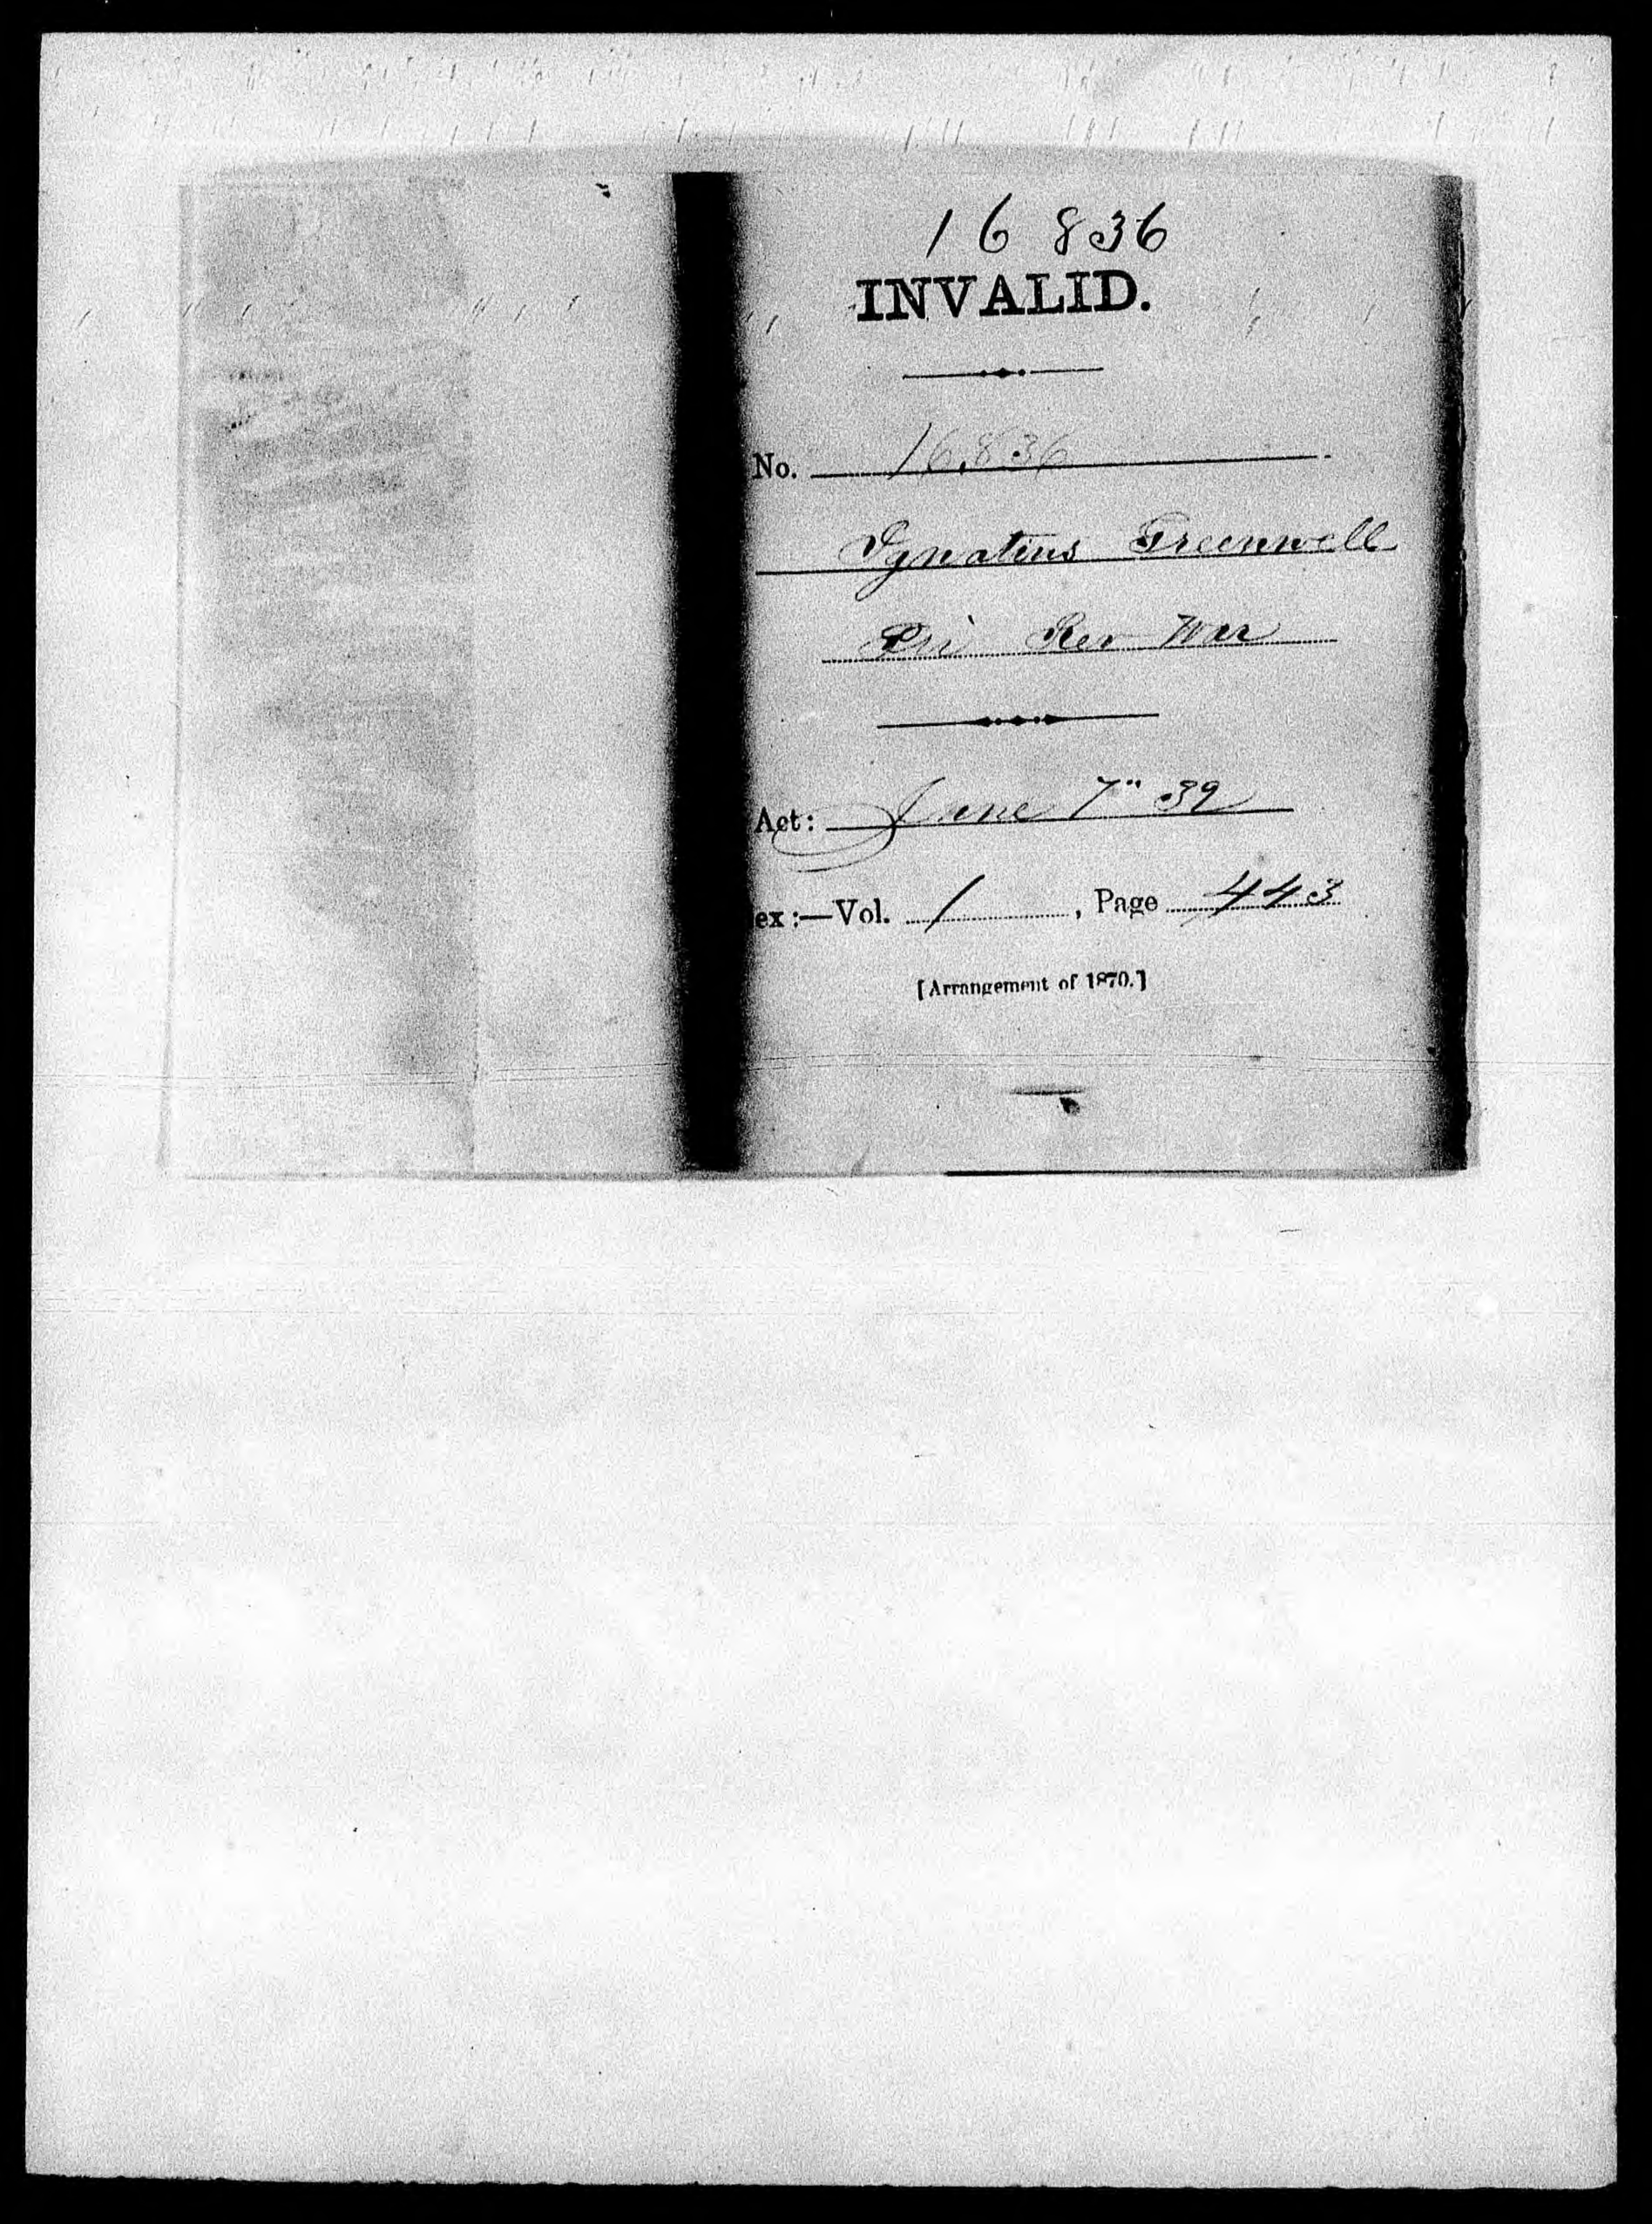16836
INVALIS

No 16, 836
Ignatius Greenwell
Priv Rev War

Act: June 7, '32
Index Vol 1 Page 443

[Arrangement of 1870]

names: Ignatius Greenwell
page: 12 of 19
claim: survivor's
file: S. 16836, Ignatus Greenwell, Md.